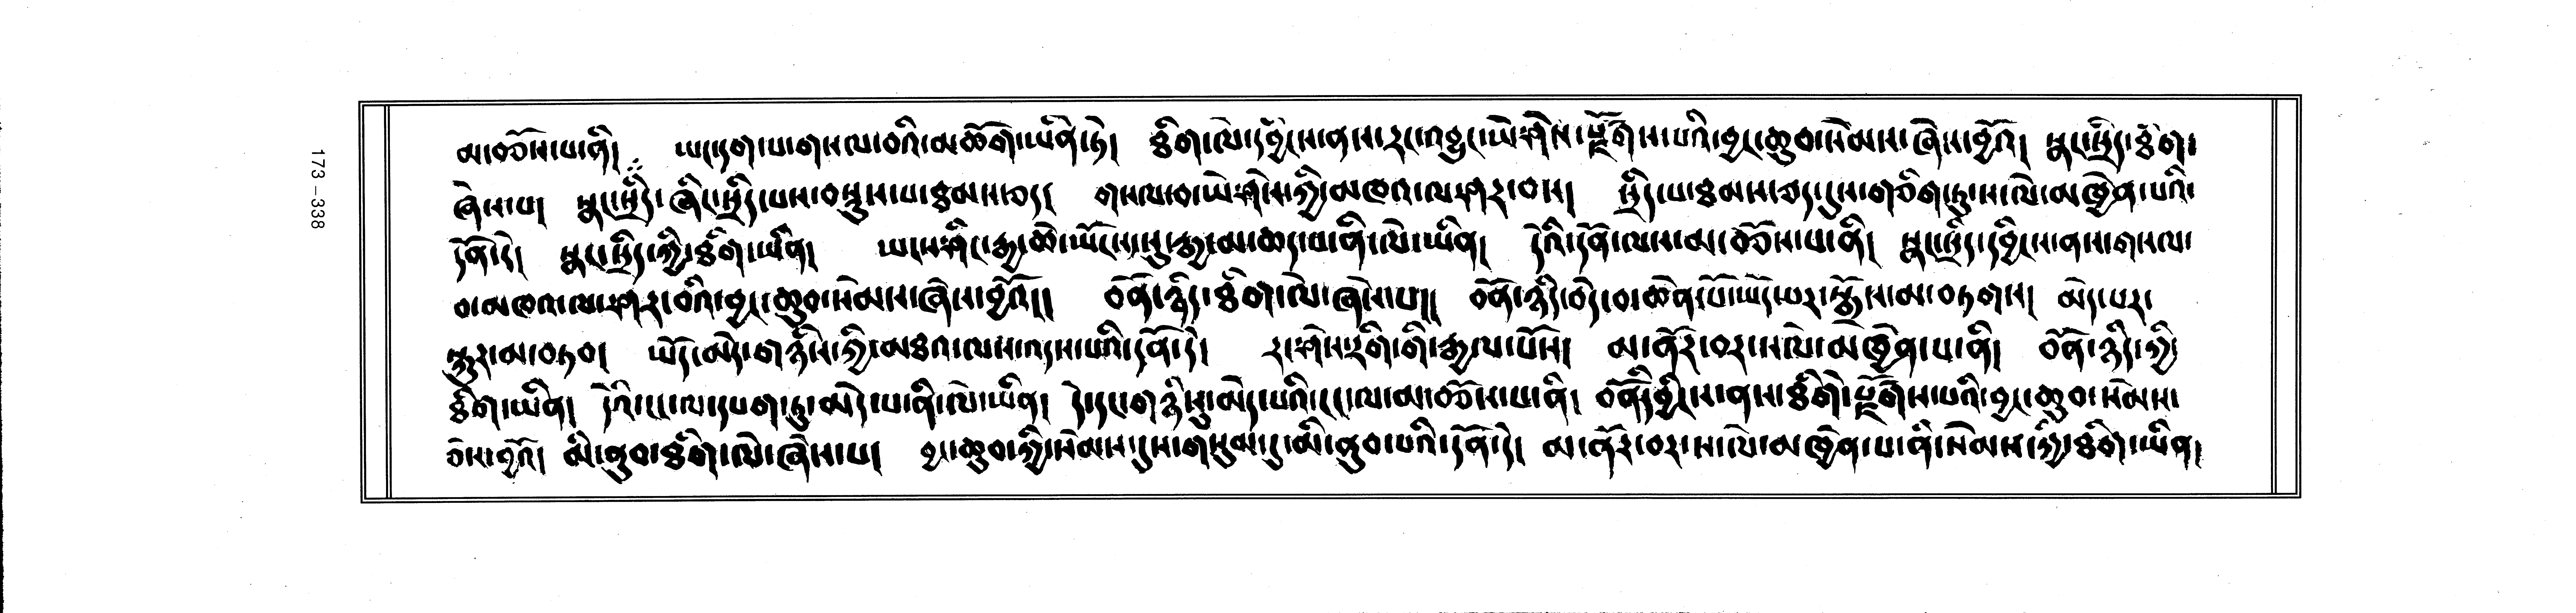མ་བཅོས་པ་ནི། ཡང་དག་པ་གསལ་བའི་མཆོག་ཡིན་ཏེ། ཐིག་ལེ་དབྱིངས་ནས་རང་འབྱུང་ཡེ་ཤེས་རྫོགས་པའི་བྱང་ཆུབ་སེམས་ཞེས་བྱའོ། །སྣང་སྲིད་ཐིག་
ཅེས་པ། སྣང་ཞིང་སྲིད་པས་བསྡུས་པ་ཐམས་ཅད། གསལ་བ་ཡེ་ཤེས་ཀྱི་མཁའ་ལ་ཤར་བས། སྲིད་པ་ཐམས་ཅད་དུས་གཅིག་ཏུ་སལེ་མཁྱེན་པའི་
དོན་དེ། སྣང་སྲིད་ཀྱི་ཐིག་ལེ་ཡིན། ཡངས་ཤིང་རྒྱ་ཆེ་ཡོངས་སུ་རྒྱ་མ་ཆད་པ་ནི་ལེ་ཡིན། དེའི་དོན་ལས་མ་བཅོས་པ་ནི། སྣང་སྲིད་དབྱིངས་ནས་གསལ་
བ་མཁའ་ལ་ཤར་བའི་བྱང་ཆུབ་སེམས་ཞེས་བྱའོ། །བོན་ཉིད་ཐིག་ལེ་ཞེས་པ། བོན་ཉིད་བདེ་བ་ཆེན་པོ་ཡོད་པར་སྒྲོས་མ་བཏགས། མེད་པར་
སྐུར་མ་བཏབ། ཡོད་མེད་གཉིས་ཀྱི་མཐའ་ལས་འདས་པའི་དོན་དེ། རང་ཤེས་རིག་རྒྱལ་པོས། མ་ནོར་བར་སལེ་མཁྱེན་པ་ནི། བོན་ཉིད་ཀྱི་
ཐིག་ལེ་ཡིན། དེའི་ངང་ལ་དཔག་ཏུ་མེད་པ་ནི་ལེ་ཡིན། དེ་དང་གཉིས་སུ་མེད་པའི་ངང་ལ་མ་བཅོས་པ་ནི། བོན་ཉིད་དབྱིངས་ནས་ཐིག་ལེ་རྫོགས་པའི་བྱང་ཆུབ་སེམས་
ཅེས་བྱའོ། །མི་ནུབ་ཐིག་ལེ་ཞེས་པ། བྱང་ཆུབ་ཀྱི་སེམས་དུས་གསུམ་དུ་མི་ནུབ་པའི་དོན་དེ། མ་ནོར་བར་སལེ་མཁྱེན་པ་ནི་སེམས་ཀྱི་ཐིག་ལེ་ཡིན།